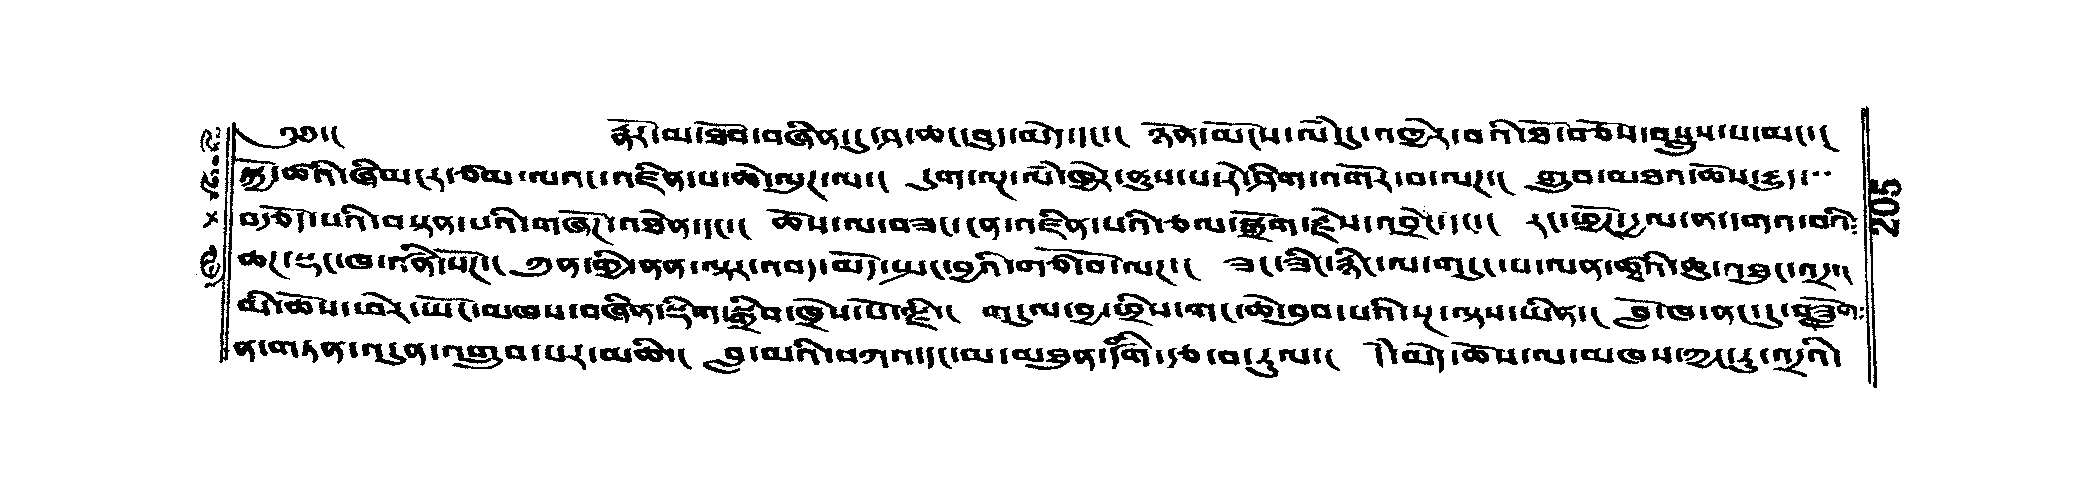།རྣལ་འབྱོར་མ་ཐོབ་བཞིན་དུ་ཤ་ཆང་བུད་མེད་དང་། །ཉོན་མོངས་ལམ་དུ་འཁྱེར་བའི་ཐོ་བཅོས་བསླུས་པ་མང་། །
སྐྱོ་ཚའི་ཞིམ་མངར་ཙམ་ལས་འཛིན་པ་ཆེ་ལུགས་ལ། །དུག་ལྔ་ལམ་ཁྱེར་ནུས་པ་རེ་ཤིག་འགོར་བ་ལགས། །གྲུབ་མཐའ་ཆོས་རྒྱུད་
བརྩོད་པའི་བསྟན་པའི་གཞོགས་འཐེན་དང་། །ཆོས་ལ་བཟང་ངན་འཛིན་པའི་ཅལ་སྒྲོག་རྗེས་འབྲེངས་དང། །རང་ཕྱོགས་རྒྱལ་ན་དགའ་བའི་
ཆགས་སྡང་ཁ་འཛིན་སོགས། །ཀུན་གྱི་ནན་ལྟར་འབད་མེད་སྤང་བྱའི་གཙོ་བོ་ལགས། །ཟང་ཟིང་རྙིང་ལ་གདུང་བ་ལན་ཚྭའི་འཐུང་འདྲ། །
མི་ཆོས་ཕེར་ཡོང་མཁས་བཞིན་སྡིག་སྒྲིབ་ཁྲེས་པོ་ལྗིབ། །གདུལ་བྱ་ཕྲིན་ལས་གང་ཆེ་བུབ་པའི་སྔ་ལྟས་ཡིན། །བློ་ཁ་ནང་དུ་བཟློག་
ན་གཏན་འདུན་འགྲུབ་པར་མཆི། །བླ་མའི་བཀའ་དང་མ་མཐུན་དམ་ཚིག་རྩ་བ་རུལ། །དམ་མེད་ཆོས་ལ་མཁས་ཀྱང་རུ་དྲའི་